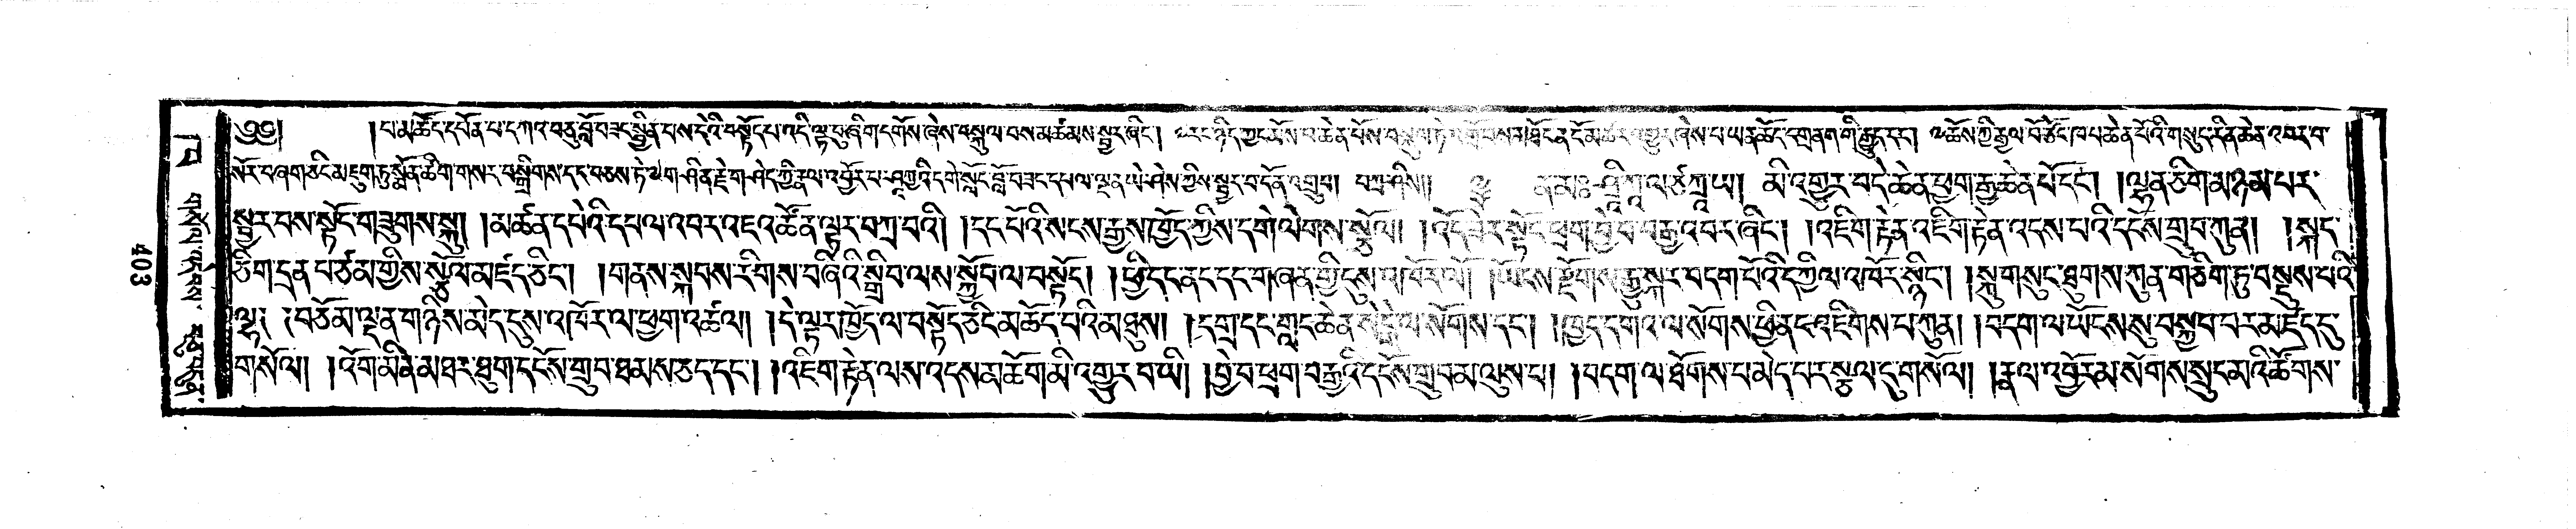༄༅། །པ་མཆོད་དཔོན་པ་དཀའ་བཅུ་བློ་བཟང་སྦྱིན་པས་དེའི་བསྟོད་པ་འདི་ལྟ་བུ་ཞིག་དགོས་ཞེས་བསྐུལ་བས་མཚམས་སྦྱར་ཞིང་། ༧་རང་ཉིད་ཀྱང་མོས་པ་ཆེན་པོས་བསྐུལ་ཏེ་འགྲོ་བས་མཐོང་ན་ངོ་མཚར་འགྱུར་ཞེས་པ་ཡན་ཆོད་དགྲ་ནག་གི་རྒྱུད་དང་། ༧་ཆོས་ཀྱི་རྒྱལ་པོ་ཙོང་ཁ་པ་ཆེན་པོའི་གསུང་རིན་ཆེན་འབར་བ་
སོར་བཞག་ཅིང་མཇུག་ཏུ་སྨོན་ཚིག་གསར་བསྒྲིགས་དང་བཅས་ཏེ་༧་གཤིན་རྗེ་གཤེད་ཀྱི་རྣལ་འབྱོར་པ་ཤཱཀྱའི་དགེ་སློང་བློ་བཟང་དཔལ་ལྡན་ཡེ་ཤེས་ཀྱིས་སྦྱར་བ་དོན་འགྲུབ། བཀྲ་ཤིས།། ༈ ན་མཿ ཤྲཱི་ཀཱ་ལ་ཙཀྲཱ་ཡ། མི་འགྱུར་བདེ་ཆེན་ཕྱག་རྒྱ་ཆེན་པོ་དང་། །ལྷན་ཅིག་མཉམ་པར་
སྦྱར་བས་སྟོང་གཟུགས་སྐུ། །མཚན་དཔེའི་དཔལ་འབར་འཇའ་ཚོན་ལྟར་བཀྲ་བའི། །དང་པོའི་སངས་རྒྱས་ཁྱོད་ཀྱིས་དགེ་ལེགས་སྩོལ། །འོད་ཟེར་སྟོང་ཕྲག་བྱེ་བ་བརྒྱ་འབར་ཞིང་། །འཇིག་རྟེན་འཇིག་རྟེན་འདས་པའི་དངོས་གྲུབ་ཀུན། །སྐད་
ཅིག་དྲན་པ་ཙམ་གྱིས་སྩོལ་མཛད་ཅིང་། །གནས་སྐབས་རིགས་བཞིའི་སྒྲིབ་ལས་སྐྱོབ་ལ་བསྟོད། །ཕྱི་དང་ནང་དང་གཞན་གྱི་དུས་འཁོར་ལོ། །ཡོངས་རྫོགས་རྒྱུ་སྐར་བདག་པོའི་དཀྱིལ་འཁོར་སྙིང་། །སྐུ་གསུང་ཐུགས་ཀུན་གཅིག་ཏུ་བསྡུས་པའི་
ལྷ༑ ༑བཅོམ་ལྡན་གཉིས་མེད་དུས་འཁོར་ལ་ཕྱག་འཚལ། །དེ་ལྟར་ཁྱོད་ལ་བསྟོད་ཅིང་མཆོད་པའི་མཐུས། །དགྲ་དང་གླང་ཆེན་སེངྒེ་ལ་སོགས་དང་། །ཁྱད་དགའ་ལ་སོགས་ཕྱི་ནང་འཇིགས་པ་ཀུན། །བདག་ལ་ཡོངས་སུ་བསྐྱབ་པར་མཛད་དུ་
གསོལ། །འོག་མིན་མཐར་ཐུག་དངོས་གྲུབ་ཐམས་ཅད་དང་། །འཇིག་རྟེན་ལས་འདས་མཆོག་མི་འགྱུར་བ་ཡི། །བྱེ་བ་ཕྲག་བརྒྱའི་དངོས་གྲུབ་མ་ལུས་པ། །བདག་ལ་ཐོགས་པ་མེད་པར་སྩལ་དུ་གསོལ། །རྣལ་འབྱོར་མ་སོགས་སྲུང་མའི་ཚོགས་